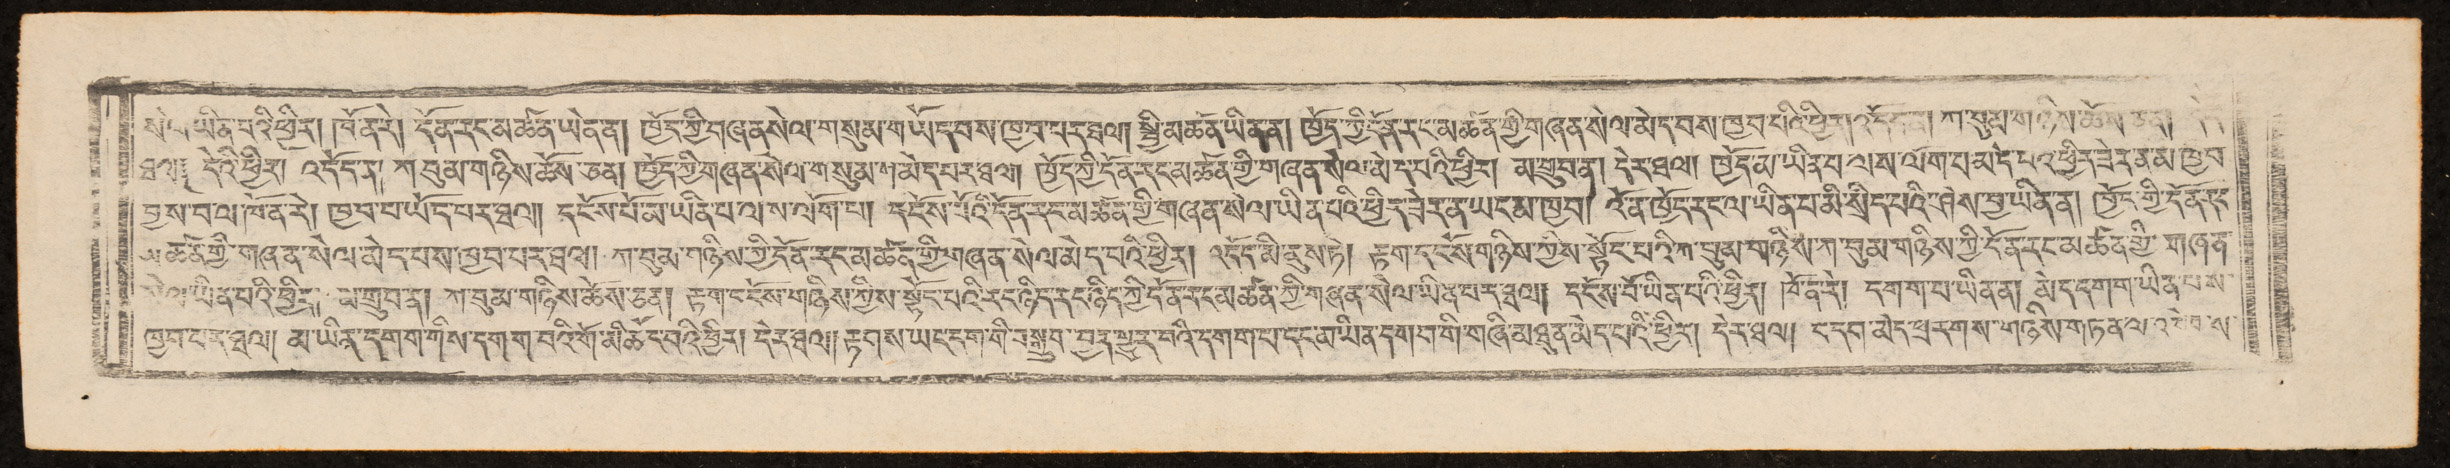སེལ་ཡོད་པའི་ཕྱིར། ཁོ་ན་རེ། དོན་རང་མཚན་ཡིན་ན། ཁྱོད་ཀྱི་གཞན་སེལ་གསུམ་ག་ཡོད་པས་ཁྱབ་པར་ཐལ། སྤྱི་མཚན་ཡིན་ན། ཁྱོད་ཀྱི་དོན་རང་མཚན་གྱི་གཞན་སེལ་མེད་པས་ཁྱབ་པའི་ཕྱིར། འདོད་ན། ཀ་བུམ་གཉིས་ཆོས་ཅན། དེར་
ཐལ། དེའི་ཕྱིར། འདོད་ན། ཀ་བུམ་གཉིས་ཆོས་ཅན། ཁྱོད་ཀྱི་གཞན་སེལ་གསུམ་ག་མེད་པར་ཐལ། ཁྱོད་ཀྱི་དོན་རང་མཚན་གྱི་གཞན་སེལ་མེད་པའི་ཕྱིར། མ་གྲུབ་ན། དེར་ཐལ། ཁྱོད་མ་ཡིན་པ་ལས་ལོག་པ་མེད་པའི་ཕྱིར་ཞེས་ཟེར་ན་མ་ཁྱབ།
བྱས་པ་ལ་ཁོ་ན་རེ། ཁྱབ་པ་ཡོད་པར་ཐལ། དངོས་པོ་མ་ཡིན་པ་ལས་ལོག་པ། དངོས་པོའི་དོན་རང་མཚན་གྱི་གཞན་སེལ་ཡིན་པའི་ཕྱིར་ཟེར་ན་ཡང་མ་ཁྱབ། འོ་ན་ཁྱོད་རང་ལ་ཡིན་པ་མི་སྲིད་པའི་ཤེས་བྱ་ཡིན་ན། ཁྱོད་ཀྱི་དོན་རང་
མཚན་གྱི་གཞན་སེལ་མེད་པས་ཁྱབ་པར་ཐལ། ཀ་བུམ་གཉིས་ཀྱི་དོན་རང་མཚན་གྱི་གཞན་སེལ་མེད་པའི་ཕྱིར། འདོད་མི་ནུས་ཏེ། རྟག་དངོས་གཉིས་ཀྱིས་སྟོང་བའི་ཀ་བུམ་གཉིས་ཀ་བུམ་གཉིས་ཀྱི་དོན་རང་མཚན་གྱི་གཞན་
སེལ་ཡིན་པའི་ཕྱིར། མ་གྲུབ་ན། ཀ་བུམ་གཉིས་ཆོས་ཅན། རྟག་དངོས་གཉིས་ཀྱིས་སྟོང་པའི་རང་ཉིད་རང་ཉིད་ཀྱི་དོན་རང་མཚན་གྱི་གཞན་སེལ་ཡིན་པར་ཐལ། དངོས་པོ་ཡིན་པའི་ཕྱིར། ཁོ་ན་རེ། དགག་པ་ཡིན་ན། མེད་དགག་ཡིན་པས་
ཁྱབ་པར་ཐལ། མ་ཡིན་དགག་གིས་དགག་པའི་གོ་མི་ཆོད་པའི་ཕྱིར། དེར་ཐལ། རྟགས་ཡང་དག་གི་བསྒྲུབ་བྱར་གྱུར་པའི་དགག་པ་དང་མ་ཡིན་དགག་གི་གཞི་མཐུན་མེད་པའི་ཕྱིར། དེར་ཐལ། བདག་མེད་ཕྲ་རགས་གཉིས་གཏན་ལ་འབེབས་